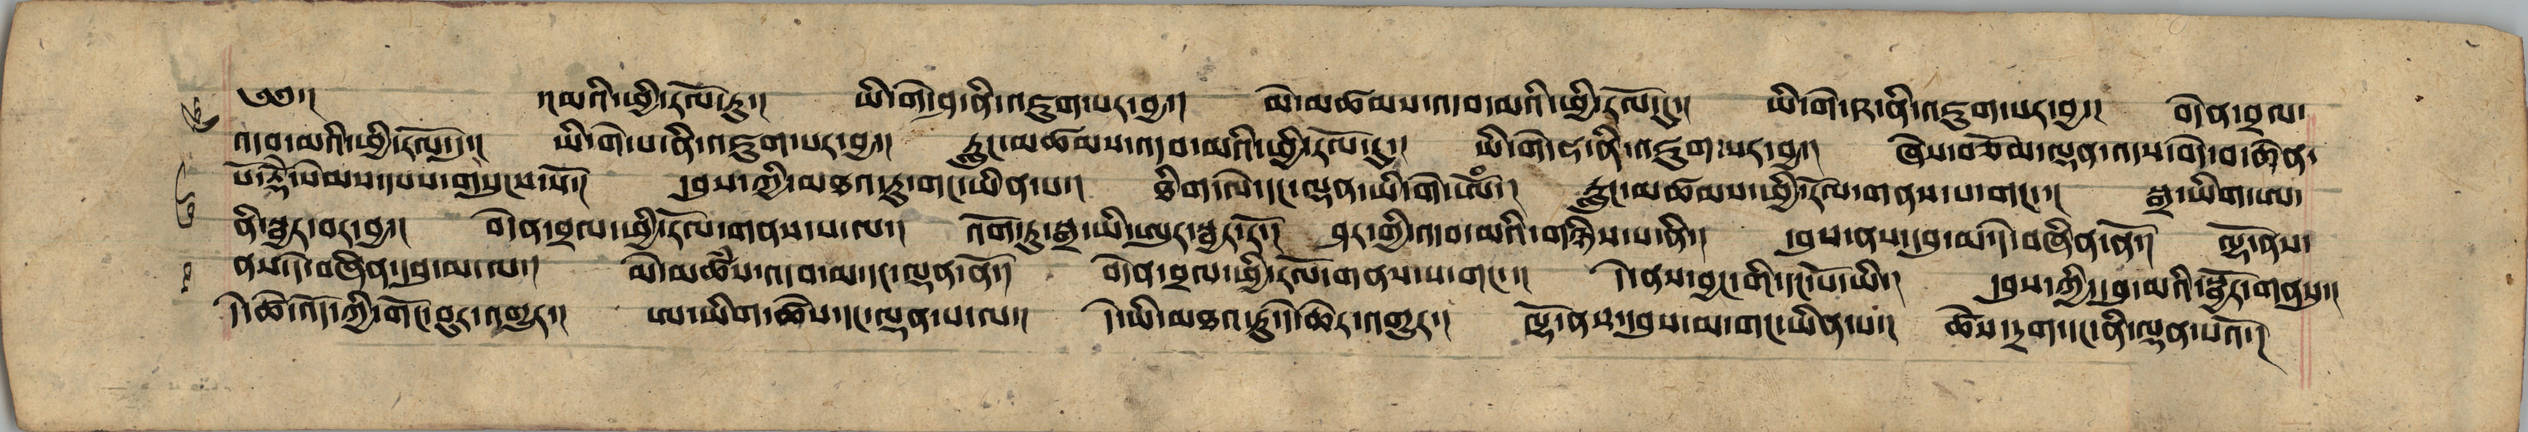༄༅་། ་།མའི་ཕྱི་རོལ་ཏུ་། ཡི་གེ་ཤ་ནི་འཇུག་པར་བྱ་། མེ་མཚམས་འདབ་མའི་ཕྱི་རོལ་དུ་། ཡི་གེ་ཥ་ནི་འཇུག་པར་བྱ་། བདེན་བྲལ་
འདབ་མའི་ཕྱི་རོལ་དུ་། ཡི་གེ་པ་ནི་འཇུག་པར་བྱ་། རླུང་མཚམས་འདབ་མའི་ཕྱི་རོལ་དུ་། ཡི་གེ་ཧ་ནི་འཇུག་པར་བྱ་། ཞེས་བཅོམ་ལྡན་འདས་བདེ་བ་ཆེན་
པོ་རྡོེ་སེམས་དཔས་གསུངས་སོ་། དབུས་ཀྱི་མཐའ་རུ་གང་ཡིན་པ་། ཐིག་ལེ་དང་ལྡན་ཡི་གེ་ཨོཾ་། རླུང་མཚམས་ཕྱི་རོལ་གནས་པ་གང་་། སྒྲ་ཡིག་ཨ་
ནི་སྦྱར་བར་བྱ་། བདེན་བྲལ་ཕྱི་རོལ་གནས་པ་ལ་། འོག་ཏུ་སྒྲ་ཡི་ཨུར་སྦྱར་རོ་། ཤར་གྱི་འདབ་མའི་གཉིས་པ་ནི་། དབུས་ནས་དབུ་མ་དེ་བཞིན་ནོ་། ལྷོ་ནས་
ནས་དེ་བཞིན་དབུ་མ་ལ་། མེ་མཚཾས་འདབ་མ་དང་ལྡན་ནོ་། བདེན་བྲལ་ཕྱི་རོལ་གནས་པ་གང་་། དེ་ནས་བྱང་གི་དང་པོ་ཡི་། དབུས་ཀྱི་དབུ་མའི་སྦྱོར་གནསུ་།
དེ་ཚེ་འདོ་ཀྱི་གོང་བུར་འགྱུར་། ཨ་ཡིག་ཚེས་དང་ལྡན་པ་ལ་། དེ་ཡི་མཐའ་རུ་དེ་ཆེར་འགྱུར་། ལྷོ་ནས་དབུས་མ་གང་ཡིན་པ་། ཚེས་དྲག་དང་ནི་ལྡན་པའོ་།